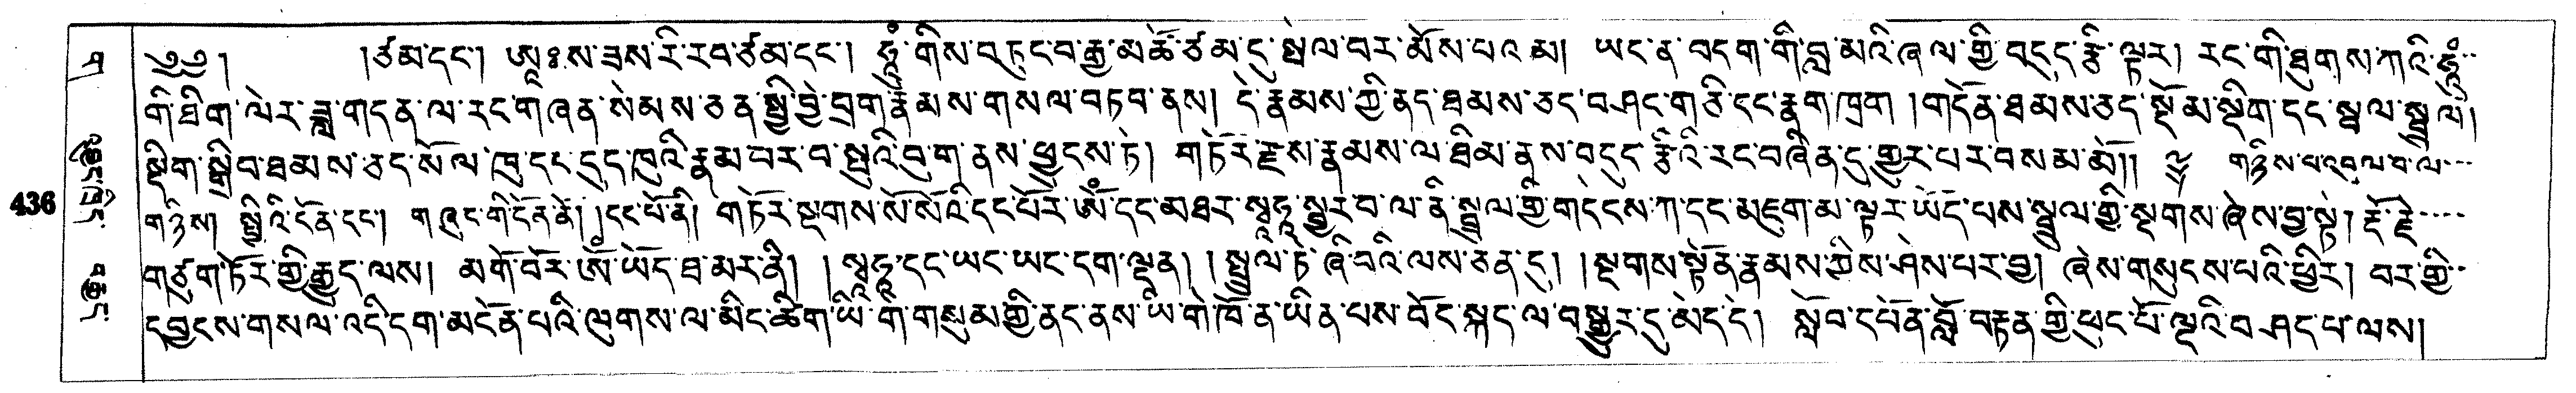༄༅། །ཙམ་དང་། ཨཱཿ ས་ཟས་རི་རབ་ཙམ་དང་། ཧཱུཾ་གིས་བཏུང་བ་རྒྱ་མཚོ་ཙམ་དུ་སྤེལ་བར་མོས་པའམ། ཡང་ན་བདག་གི་བླ་མའི་ཞལ་གྱི་བདུད་རྩི་ལྟར། རང་གི་ཐུགས་ཀའི་ཧཱུཾ་
གི་ཐིག་ལེར་ཟླ་གདན་ལ་རང་གཞན་སེམས་ཅན་སྤྱི་བྱེ་བྲག་རྣམས་གསལ་བཏབ་ནས། དེ་རྣམས་ཀྱི་ནད་ཐམས་ཅད་བཤད་གཅི་དང་རྣག་ཁྲག །གདོན་ཐམས་ཅད་སྡོམ་སྡིག་དང་སྦལ་སྤྲུལ།
སྡིག་སྒྲིབ་ཐམས་ཅད་སོལ་ཁུ་དང་དུད་ཁུའི་རྣམ་པར་བ་སྤུའི་བུ་ག་ནས་ཕྱུངས་ཏེ། གཏོར་རྫས་རྣམས་ལ་ཐིམ་ནས་བདུད་རྩིའི་རང་བཞིན་དུ་གྱུར་པར་བསམ་མོ།། ༈ གཉིས་པ་འབུལ་བ་ལ་
གཉིས། སྤྱིའི་དོན་དང་། གཞུང་གི་དོན་ནོ། །དང་པོ་ནི། གཏོར་སྔགས་སོ་སོའི་དང་པོར་ཨོཾ་དང་མཐར་སྭཱ་ཧཱ་སྦྱར་བ་ལ་ནི་སྤྲུལ་གྱི་གདེངས་ཀ་དང་མཇུག་མ་ལྟར་ཡོད་པས་སྦྲུལ་གྱི་སྔགས་ཞེས་བྱ་སྟེ། རྡོ་རྗེ་
གཙུག་ཏོར་གྱི་རྒྱུད་ལས། མགོ་བོར་ཨོཾ་ཡོད་ཐ་མར་ནི། །སྭཱ་ཧཱ་དང་ཡང་ཡང་དག་ལྡན། །སྤྲུལ་ཏེ་ཞི་བའི་ལས་ཅན་དུ། །སྔགས་སྟོན་རྣམས་ཀྱིས་ཤེས་པར་བྱ། ཞེས་གསུངས་པའི་ཕྱིར། བར་གྱི་
དབྱངས་གསལ་འདི་དག་མངོན་པའི་ལུགས་ལ་མིང་ཚིག་ཡི་གེ་གསུམ་གྱི་ནང་ནས་ཡི་གེ་ཁོ་ན་ཡིན་པས་བོད་སྐད་ལ་བསྒྱུར་དུ་མེད་དེ། སློབ་དཔོན་བློ་བརྟན་གྱི་ཕུང་པོ་ལྔའི་བཤད་པ་ལས།